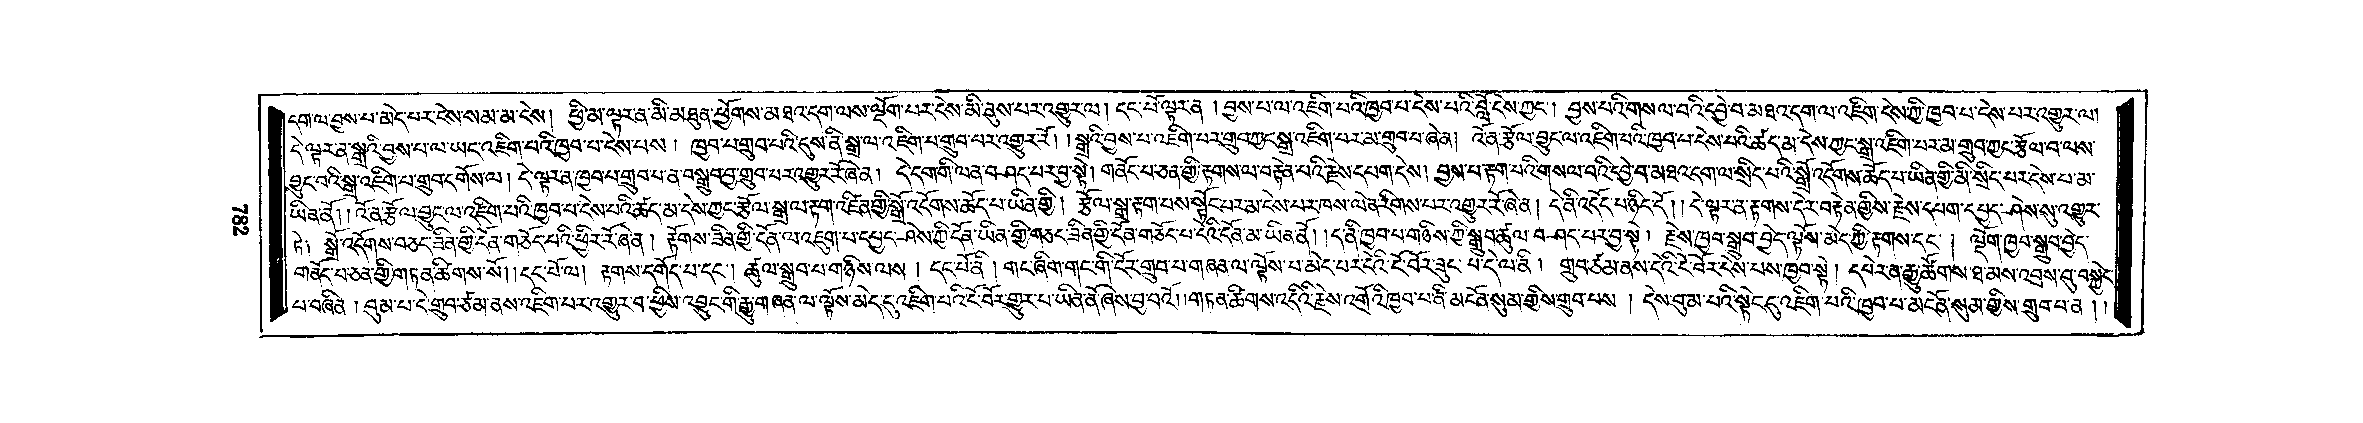དག་ལ་བྱས་པ་མེད་པར་ངེས་སམ་མ་ངེས། ཕྱི་མ་ལྟར་ན་མི་མཐུན་ཕྱོགས་མཐའ་དག་ལས་ལྡོག་པར་ངེས་མི་ནུས་པར་འགྱུར་ལ། དང་པོ་ལྟར་ན། བྱས་པ་ལ་འཇིག་པའི་ཁྱབ་པ་ངེས་པའི་བློ་དེས་ཀྱང་། བྱས་པའི་གསལ་བའི་དབྱེ་བ་མཐའ་དག་ལ་འཇིག་ངེས་ཀྱི་ཁྱབ་པ་དེས་པར་འགྱུར་ལ།
དེ་ལྟར་ན་སྒྲའི་བྱས་པ་ལ་ཡང་འཇིག་པའི་ཁྱབ་པ་ངེས་པས། ཁྱབ་པ་གྲུབ་པའི་དུས་ནི་སྒྲ་ལ་འཇིག་པ་གྲུབ་པར་འགྱུར་རོ། །སྒྲའི་བྱས་པ་འཇིག་པར་གྲུབ་ཀྱང་སྒྲ་འཇིག་པར་མ་གྲུབ་པ་ཞེ་ན། འོ་ན་རྩོལ་བྱུང་ལ་འཇིག་པའི་ཁྱབ་པ་ངེས་པའི་ཚད་མ་དེས་ཀྱང་སྒྲ་འཇིག་པར་མ་གྲུབ་ཀྱང་རྩོལ་བ་ལས་
བྱུང་བའི་སྒྲ་འཇིག་པ་གྲུབ་དགོས་ལ། དེ་ལྟར་ན་ཁྱབ་པ་གྲུབ་པ་ན་བསྒྲུབ་བྱ་གྲུབ་པར་འགྱུར་རོ་ཞེ་ན། དེ་དག་གི་ལན་བཤད་པར་བྱ་སྟེ། གནོད་པ་ཅན་གྱི་རྟགས་ལ་བརྟེན་པའི་རྗེས་དཔག་དེས། བྱས་པ་རྟག་པའི་གསལ་བའི་དབྱེ་བ་མཐའ་དག་ལ་སྲིད་པའི་སྒྲོ་འདོགས་ཆོད་པ་ཡིན་གྱི་མི་སྲིད་པར་དེས་པ་མ་
ཡིན་ནོ། །འོ་ན་རྩོལ་བྱུང་ལ་འཇིག་པའི་ཁྱབ་པ་ངེས་པའི་ཚད་མ་དེས་ཀྱང་རྩོལ་སྒྲ་ལ་རྟག་འཛིན་གྱི་སྒྲོ་འདོགས་ཆོད་པ་ཡིན་གྱི། རྩོལ་སྒྲ་རྟག་པས་སྟོང་པར་མ་ངེས་པར་ཁས་ལེན་རིགས་པར་འགྱུར་རོ་ཞེ་ན། དེ་ནི་འདོད་པ་ཉིད་དོ། །དེ་ལྟར་ན་རྟགས་དེར་བརྟེན་གྱིས་རྗེས་དཔག་དཔྱད་ཤེས་སུ་འགྱུར་
ཏེ། སྒྲོ་འདོགས་བཅད་ཟིན་གྱི་དོན་གཅོད་པའི་ཕྱིར་རོ་ཞེ་ན། རྟོགས་ཟིན་གྱི་དོན་ལ་འཇུག་པ་དཔྱད་ཤེས་ཀྱི་དོན་ཡིན་གྱི་གཅད་ཟིན་གྱི་དོན་གཅོད་པ་དེའི་དོན་མ་ཡིན་ནོ། །ད་ནི་ཁྱབ་པ་གཉིས་ཀྱི་སྒྲུབ་ཚུལ་བཤད་པར་བྱ་སྟེ། རྗེས་ཁྱབ་སྒྲུབ་བྱེད་ལྟོས་མེད་ཀྱི་རྟགས་དང་། ལྡོག་ཁྱབ་སྒྲུབ་བྱེད་
གནོད་པ་ཅན་གྱི་གཏན་ཚིགས་སོ། །དང་པོ་ལ། རྟགས་དགོད་པ་དང་། ཚུལ་སྒྲུབ་པ་གཉིས་ལས། དང་པོ་ནི། གང་ཞིག་གང་གི་ངོར་གྲུབ་པ་གཞན་ལ་ལྟོས་པ་མེད་པར་དེའི་ངོ་བོར་ཟུང་པ་དེ་ལ་ནི། གྲུབ་ཙམ་ནས་དེའི་ངོ་བོར་ངེས་པས་ཁྱབ་སྟེ། དཔེར་ན་རྒྱུ་ཚོགས་ཐ་མས་འབྲས་བུ་བསྐྱེད་
པ་བཞིན། བུམ་པ་དེ་གྲུབ་ཙམ་ནས་འཇིག་པར་འགྱུར་བ་ཕྱིས་འབྱུང་གི་རྒྱུ་གཞན་ལ་ལྟོས་མེད་དུ་འཇིག་པའི་ངོ་བོར་གྱུར་པ་ཡིན་ནོ་ཞེས་བྱ་བའོ། །གཏན་ཚིགས་འདིའི་རྗེས་འགྲོའི་ཁྱབ་པ་ནི་མངོན་སུམ་གྱིས་གྲུབ་པས། དེས་བུམ་པའི་སྟེང་དུ་འཇིག་པའི་ཁྱབ་པ་མངོན་སུམ་གྱིས་གྲུབ་པ་ན། །